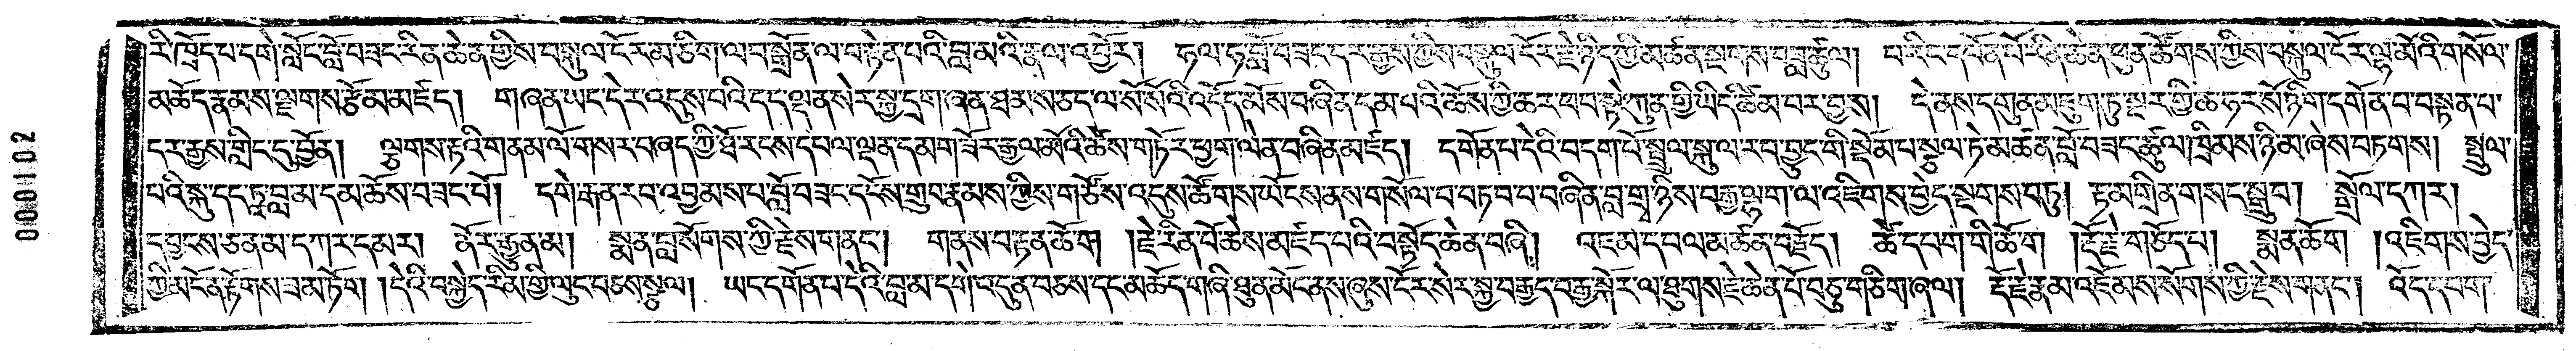རི་ཁྲོད་པ་དགེ་སློང་བློ་བཟང་རིན་ཆེན་གྱིས་བསྐུལ་ངོར་མ་ཅིག་ལ་བསྒྲོན་ལ་བརྟེན་བའི་བླ་མའི་རྣལ་འབྱོར། ཧལ་ཧ་བློ་བཟང་དང་རྒྱས་ཀྱིས་བསྐུལ་དོར་རྗེ་ཉིད་ཀྱི་མཚན་སྔགས་བཟླ་ཚུལ། པ་རིང་དཔོན་པོ་རིན་ཆེན་ཕུན་ཚོགས་ཀྱིས་བསྐུལ་ངོར་ལྷ་མོའི་གསོལ་
མཆོད་རྣམས་ལྗགས་རྩོམ་མཛད། གཞན་ཡང་དེར་འདུས་བའི་དད་ལྡན་སེར་སྐྱ་དྲག་ཞན་ཐམས་ཅད་ལ་སོ་སོའི་འདོད་མོས་བཞིན་དམ་པའི་ཆོས་ཀྱི་ཆར་བབ་སྟེ་ཀུན་གྱི་ཡིད་ཚིམ་བར་བྱས། དེ་ནས་དགུན་མཇུག་ཏུ་སྔར་གྱི་ཆ་ཧར་སོ་ཉིག་དགོན་པ་བསྟན་པ་
དར་རྒྱས་གླིང་དུ་བྱོན། ལྕགས་རྟའི་གནམ་ལོ་གསར་བཞད་ཀྱི་ཐོ་རངས་དཔལ་ལྡན་དམག་ཟོར་རྒྱལ་མོའི་ཆོས་གཏོར་ཕྱག་ལེན་བཞིན་མཛད། དགོན་པ་དེའི་བདག་པོ་སྤྲུལ་སྐུ་ལ་རབ་བྱུང་གི་སྡོམ་པ་སྩལ་ཏེ་མཚན་བློ་བཟང་ཚུལ་ཁྲིམས་ཉི་མ་ཞེས་བཏགས། སྤྲུལ་
བའི་སྐུ་དང་ཏཱ་བླ་མ་དམ་ཆོས་བཟང་པོ། དགེ་རྒན་རབ་འབྱམས་ཕ་བློ་བཟང་དངོས་གྲུབ་རྣམས་ཀྱིས་གཙོས་འདུས་ཚོགས་ཡོངས་ནས་གསོལ་བ་བཏབ་བ་བཞིན་བླ་གྲྭ་ཉིས་བརྒྱ་ལྷག་ལ་འཇིགས་བྱེད་སྔགས་བཏུ། རྟ་མགྲིན་གསང་སྒྲུབ། སྒྲོལ་དཀར།
དབྱངས་ཅན་མ་དཀར་དམར། ནོར་རྒྱུན་མ། སྨན་བླ་སོགས་ཀྱི་རྗེས་གནང་། གནས་བརྟན་ཆོ་ག །རྗེ་རིན་པོ་ཆེས་མཛད་པའི་བསྟོད་ཆེན་བཞི། འཇམ་དཔལ་མཚན་བརྗོད། ཚེ་དཔག་གི་ཆོ་ག །རྡོ་རྗེ་གཅོད་པ། སྨན་ཆོག །འཇིགས་བྱེད་
ཀྱི་མངོན་རྟོགས་ཟ་མ་ཏོག །དེའི་བསྐྱེད་རིམ་གྱི་ལུང་བཅས་སྩལ། ཡང་དགོན་བ་དེའི་བླ་མ་དགེ་འདུན་བཅས་དང་མཆོད་གཞི་ཐུན་མོང་ནས་ཞུས་ངོར་སེར་སྐྱ་བརྒྱད་བརྒྱ་སྐོར་ལ་ཐུགས་རྗེ་ཆེན་པོ་བཅུ་གཅིག་ཞལ། རྡོ་རྗེ་རྣམ་འཇོམས་སོགས་ཀྱི་རྗེས་གནང་། འོད་དབག་